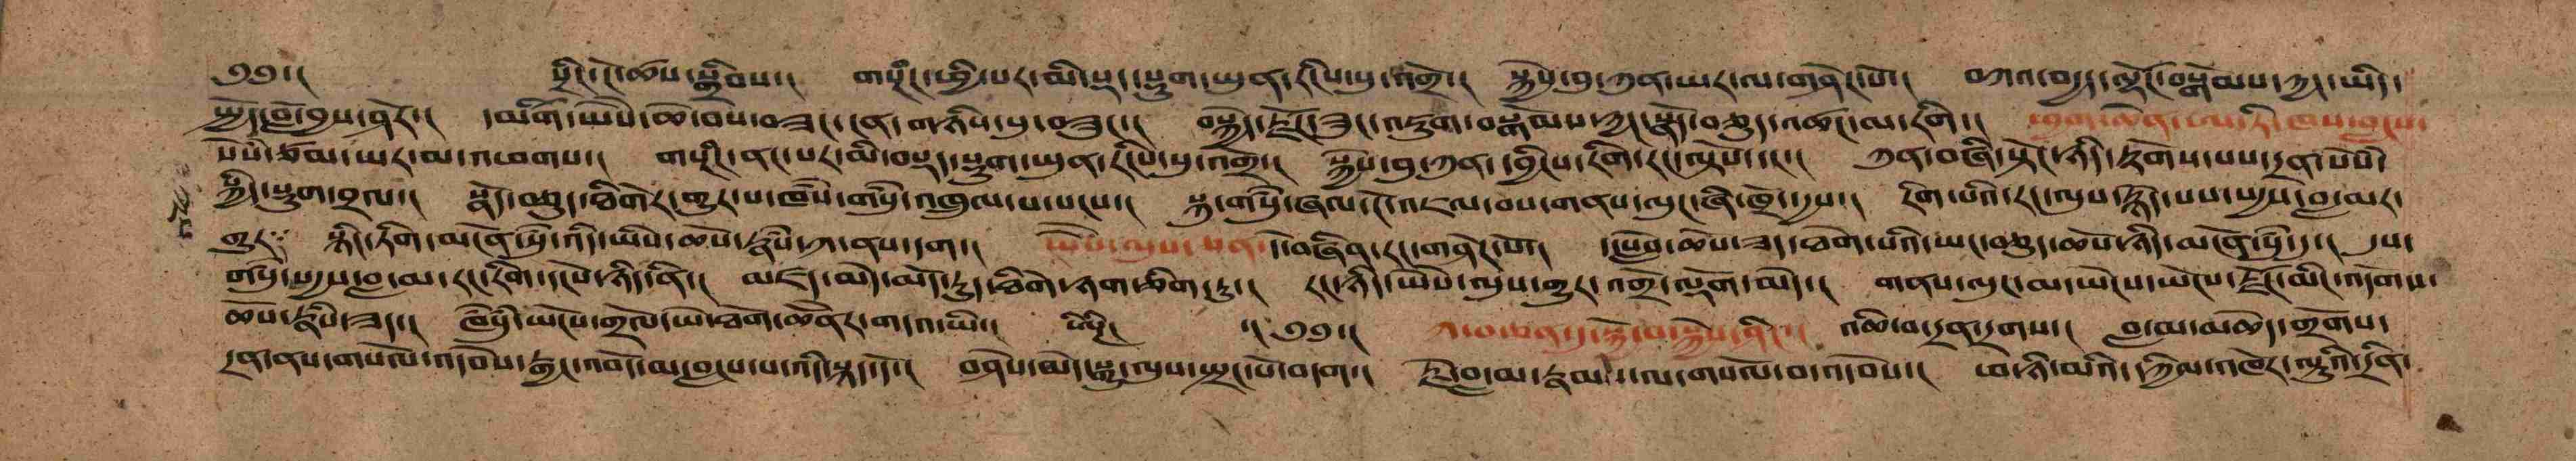སྲིང་ངོ་ཚས་སྒྲིབས།། གསང་སྔགས་ཕྱི་པར་མི་སྡད་སྡུག་ཡུན་རིངས་སུ་འགྲོ།། སྐྱེས་བུ་ཀུན་ཡར་ལ་གཤེགས་སོ།། བཀའ་བརྒྱད་ལྷ་ཚོགས་བསྒོམས་ཀྱང་ཡིད་
སྤྱོད་བློ་བྱས་ཤོར།། དམ་ཚིག་ཡེ་ཤེས་ཆོ་བོས་བཟང་ངན་གཉིས་སུ་བཟུང་།། བསྐྱེད་རྫོགས་ཟུང་འཇུག་བསྒོམས་ཀྱང་སྣོད་བཅུད་འཚང་མ་རིག།། ཕྱག་ཆེན་ཨ་ཏི་ཁས་བླངས་
སེམས་ཙམ་ཡར་མ་འཕགས།། གསང་སྔགས་ནང་པར་མི་བསྡད་སྡུག་ཡུན་རིངས་སུ་འགྲོ།། སྐྱེས་བུ་ཀུན་དབྱིངས་རིག་རང་ལྟོས་དང་།། ཀུན་གཞི་སྟོང་ཉིད་རྟོགས་པས་དྲན་པའི་སེམས་
སྐྱིད་སྡུག་བྲལ།། སྣོད་བཅུད་ཐིག་ལེ་རང་གྱུར་པ་ཁམས་གསུམ་འཁྲུལ་པ་སངས།། སྐུ་གསུམ་ཞལ་ངོ་མཇལ་བས་གནས་ལུགས་ཞི་ཁྲོ་རྒྱས།། རིག་པའི་རང་ལུས་རྙེད་པས་སངས་རྒྱས་བླ་མར་
གྱུར།། སྙིང་ཏིག་མངོན་སུམ་འདི་ཡིས་ཆོས་རྣམས་ཀ་ནས་དག། ཡེ་ཤེས་ལུས་ཅན་དེ་བཞིན་རང་གཤེགས་སོ།། ད་སློབ་ཆོས་ཟད་ཐེག་པའི་ཡང་བཅུད་ཆོས་ཉིད་མངོན་སུམ་དུ།། དུས་
གསུམ་སངས་རྒྱས་བླ་མ་རང་རིག་དངོས་ཉིད་ནི།། མཛད་མེད་མདོ་རྒྱུད་ཐིག་ལེ་ཉག་ཅིག་ཏུ།། རང་ཉིད་ཡེ་ཤེས་ལུས་གྱུར་འགྲོ་ལྡོག་མེད།། གནས་ལུགས་མ་ཡེངས་ཡོངས་རྫོགས་མིང་འདོགས་
ཆོས་རྣམས་ཟད།། ཁམས་གསུམ་ཡོངས་གྲོལ་ཡེ་ཐོག་ཆེན་པོར་གདའ་ཡི།། ཨིཊི།། ༄་། ཀ་བ་ཅན་དུ་སྐྱོ་བ་སྐྱེས་ཤིང་།། འཆི་བ་དྲན་དྲགས།། བླ་མ་མཆེད་གྲོགས་
དྲན་ནས་གསོལ་འདེབས་རྒྱང་འབོད་ལ་བླངས་པ་འདི་སྐད་དོ།། བཤེས་མེད་སྒྱུ་ལུས་སྤྲང་པོ་བདག།། རྗེ་བླ་མ་རྣམས་ལ་གསོལ་བ་འདེབས།། ཕ་ཉི་མའི་དཀྱིལ་འཁོར་ལྟ་བུའི་དྲིན་